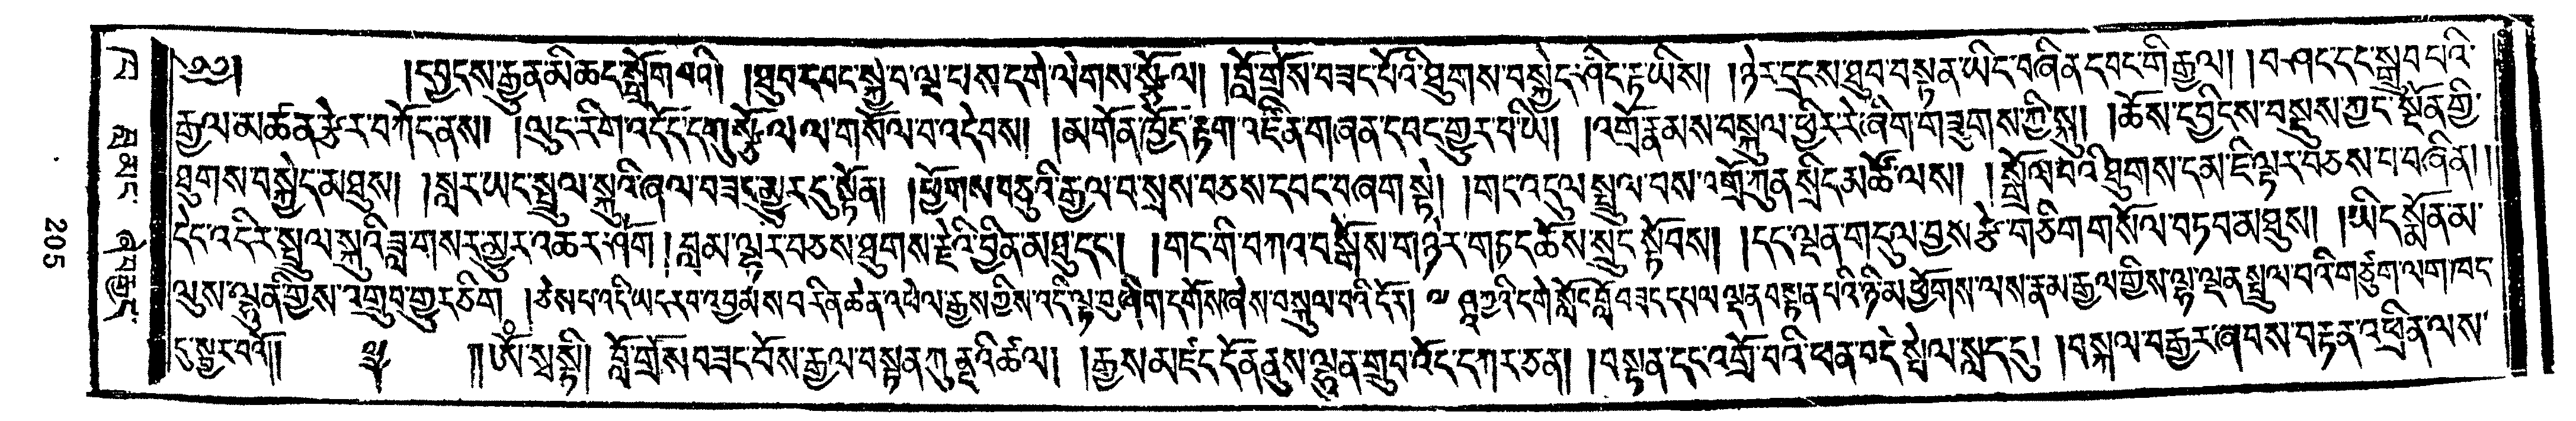༄༅། །དབྱངས་རྒྱུན་མི་ཆད་སྒྲོག་བའི། །ཐུབ་དབང་སྐྱེ་བ་ལྔ་པས་དགེ་ལེགས་སྩོལ། །བློ་གྲོས་བཟང་པོའི་ཐུགས་བསྐྱེད་ཤིང་རྟ་ཡིས། །ཉེར་དྲངས་ཐུབ་བསྟན་ཡིད་བཞིན་དབང་གི་རྒྱལ། །བཤད་དང་སྒྲུབ་པའི་
རྒྱལ་མཚན་རྩེར་བཀོད་ནས། །ལུང་རིག་འདོད་དགུ་སྩོལ་ལ་གསོལ་བ་འདེབས། །མགོན་ཁྱོད་རྟག་འཛིན་གཞན་དབང་གྱུར་བ་ཡི། །འགྲོ་རྣམས་བསྐུལ་ཕྱིར་རེ་ཞིག་གཟུགས་ཀྱི་སྐུ། །ཆོས་དབྱིངས་བསྡུས་ཀྱང་སྔོན་གྱི་
ཐུགས་བསྐྱེད་མཐུས། །སླར་ཡང་སྤྲུལ་སྐུའི་ཞལ་བཟང་མྱུར་དུ་སྟོན། །ཕྱོགས་བཅུའི་རྒྱལ་བ་སྲས་བཅས་དབང་བཞག་སྟེ། །གང་འདུལ་སྤྲུལ་བས་འགྲོ་ཀུན་སྲིད་མཚོ་ལས། །སྒྲོལ་བའི་ཐུགས་དམ་ཇི་ལྟར་བཅས་པ་བཞིན། །
དེང་འདིར་སྤྲུལ་སྐུའི་ཟླ་གསར་མྱུར་འཆར་ཤོག །བླ་མ་ལྷར་བཅས་ཐུགས་རྗེའི་བྱིན་མཐུ་དང་། །གང་གི་བཀའ་བསྒོས་གཉེར་གཏང་ཆོས་སྲུང་སྟོབས། །དང་ལྡན་གདུལ་བྱས་རྩེ་གཅིག་གསོལ་བཏབ་མཐུས། །ཡིད་སྨོན་མ་
ལུས་ལྷུན་གྱིས་འགྲུབ་གྱུར་ཅིག །ཅེས་པ་འདི་ཡང་རབ་འབྱམས་བ་རིན་ཆེན་འཕེལ་རྒྱས་ཀྱིས་འདི་ལྟ་བུ་ཞིག་དགོས་ཞེས་བསྐུལ་བའི་དོར། ༧་ཤཱཀྱའི་དགེ་སློང་བློ་བཟང་དཔལ་ལྡན་བསྟན་པའི་ཉི་མ་ཕྱོགས་ལས་རྣམ་རྒྱལ་གྱིས་ལྷ་ལྡན་སྤྲུལ་བའི་གཙུག་ལག་ཁང་
དུ་སྦྱར་བའོ།། ༈ །།ཨོཾ་སྭསྟི། བློ་གྲོས་བཟང་པོས་རྒྱལ་བསྟན་ཀུནྡའི་ཚལ། །རྒྱས་མཛད་དོན་ནུས་ལྷུན་གྲུབ་འོང་དཀར་ཅན། །བསྟན་དང་འགྲོ་བའི་ཕན་བདེ་སྤེལ་སླད་དུ། །བསྐལ་བརྒྱར་ཞབས་བརྟན་འཕྲིན་ལས་